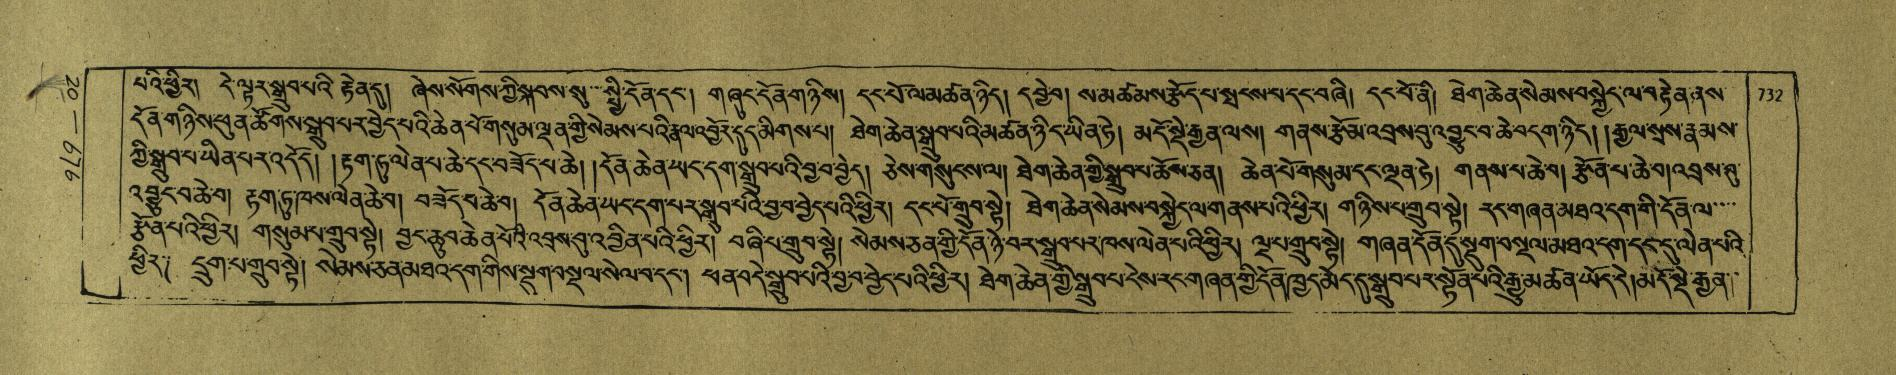པའི་ཕྱིར། དེ་ལྟར་སྒྲུབ་པའི་རྟེན་དུ། ཞེས་སོགས་ཀྱི་སྐབས་སུ་སྤྱི་དོན་དང་། གཞུང་དོན་གཉིས། དང་པོ་ལ་མཚན་ཉིད། དབྱེ་བ། ས་མཚམས་རྩོད་པ་སྤངས་པ་དང་བཞི། དང་པོ་ནི། ཐེག་ཆེན་སེམས་བསྐྱེད་ལ་བརྟེན་ནས་
དོན་གཉིས་སུ་ཕུན་ཚོགས་སྒྲུབ་པར་བྱེད་པའི་ཆེན་པོ་གསུམ་ལྡན་གྱི་སེམས་པའི་རྣལ་འབྱོར་དུ་དམིགས་པ། ཐེག་ཆེན་སྒྲུབ་པའི་མཚན་ཉིད་ཡིན་ཏེ། མདོ་སྡེ་རྒྱན་ལས། གནས་རྩོམ་འབྲས་བུ་འབྱུང་བ་ཆེ་བདག་ཉིད། །རྒྱལ་སྲས་རྣམས་
ཀྱི་སྒྲུབ་པ་ཡིན་པར་འདོད། །རྟག་ཏུ་ལེན་པ་ཆེ་དང་བཟོད་པ་ཆེ། །དོན་ཆེན་ཡང་དག་སྒྲུབ་པའི་བྱ་བ་བྱེད། ཅེས་གསུངས་ལ། ཐེག་ཆེན་གྱི་སྒྲུབ་པ་ཆོས་ཅན། ཆེན་པོ་གསུམ་དང་ལྡན་ཏེ། གནས་པ་ཆེ་བ། རྩོན་པ་ཆེ་བ། འབྲས་བུ་
འབྱུང་བ་ཆེ་བ། རྟག་ཏུ་ཁས་ལེན་ཆེ་བ། བཟོད་པ་ཆེ་བ། དོན་ཆེན་ཡང་དག་པར་སྒྲུབ་པའི་བྱ་བ་བྱེད་པའི་ཕྱིར། དང་པོ་གྲུབ་སྟེ། ཐེག་ཆེན་སེམས་བསྐྱེད་ལ་གནས་པའི་ཕྱིར། གཉིས་པ་གྲུབ་སྟེ། རང་གཞན་མཐའ་དག་གི་དོན་ལ་
རྩོན་པའི་ཕྱིར། གསུམ་པ་གྲུབ་སྟེ། བྱང་ཆུབ་ཆེན་པོའི་འབྲས་བུ་འབྱིན་པའི་ཕྱིར། བཞི་པ་གྲུབ་སྟེ། སེམས་ཅན་གྱི་དོན་ཉེ་བར་བསྒྲུབ་པར་ཁས་ལེན་པའི་ཕྱིར། ལྔ་པ་གྲུབ་སྟེ། གཞན་དོན་དུ་སྡུག་བསྔལ་མཐའ་དག་དང་དུ་ལེན་པའི་
ཕྱིར༑ དྲུག་པ་གྲུབ་སྟེ། སེམས་ཅན་མཐའ་དག་གིས་སྡུག་བསྔལ་བ་སེལ་བ་དང་། ཕན་བདེ་སྒྲུབ་པའི་བྱ་བ་བྱེད་པའི་ཕྱིར། ཐེག་ཆེན་གྱི་སྒྲུབ་པ་ངེས་རང་གཞན་གྱི་དོན་ཁྱད་མེད་དུ་སྒྲུབ་པར་སྟོན་པའི་རྒྱུ་མཚན་ཡོད་དེ། མདོ་སྡེ་རྒྱན་